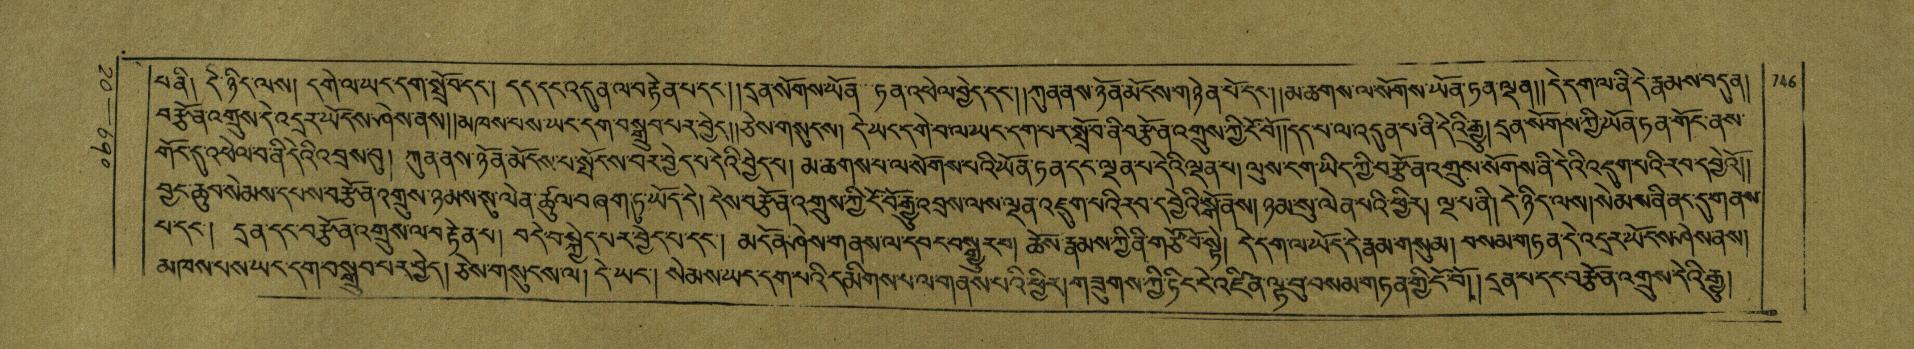པ་ནི། དེ་ཉིད་ལས། དགེ་ལ་ཡང་དག་སྤྲོ་བ་དང་། དད་དང་འདུན་ལ་བརྟེན་པ་དང་། །དྲན་སོགས་ཡོན་ཏན་འཕེལ་བྱེད་དང་། །ཀུན་ནས་ཉོན་མོངས་གཉེན་པོ་དང་། །མ་ཆགས་ལ་སོགས་ཡོན་ཏན་ལྡན། །དེ་དག་ལ་ནི་དེ་རྣམས་བདུན།
བརྩོན་འགྲུས་དེ་འདྲར་ཡོངས་ཤེས་ནས། །མཁས་པས་ཡང་དག་བསྒྲུབ་པར་བྱེད། །ཅེས་གསུངས། དེ་ཡང་དགེ་བ་ལ་ཡང་དག་པར་སྤྲོ་བ་ནི་བརྩོན་འགྲུས་ཀྱི་ངོ་བོ། །དད་པ་ལ་འདུན་པ་ནི་དེའི་རྒྱུ། དྲན་སོགས་ཀྱི་ཡོན་ཏན་གོང་ནས་
གོང་དུ་འཕེལ་བ་ནི་དེའི་འབྲས་བུ། ཀུན་ནས་ཉོན་མོངས་པ་སྤོངས་བར་བྱེད་པ་དེའི་བྱེད་པ། མ་ཆགས་པ་ལ་སོགས་པའི་ཡོན་ཏན་དང་ལྡན་པ་དེའི་ལྡན་པ། ལུས་ངག་ཡིད་ཀྱི་བརྩོན་འགྲུས་སོགས་ནི་དེའི་འཇུག་པའི་རབ་དབྱེའོ། །
བྱང་ཆུབ་སེམས་དཔས་བརྩོན་འགྲུས་ཉམས་སུ་ལེན་ཚུལ་བཞག་ཏུ་ཡོད་དེ། དེས་བརྩོན་འགྲུས་ཀྱི་ངོ་བོ་རྒྱུ་འབྲས་ལས་ལྡན་འཇུག་པའི་རབ་དབྱེའི་སྒོ་ནས། ཉམ་སུ་ལེན་པའི་ཕྱིར། ལྔ་པ་ནི། དེ་ཉིད་ལས། སེམས་ནི་ནང་དུ་གནས་
པ་དང་། དྲན་དང་བརྩོན་འགྲུས་ལ་བརྟེན་པ། བདེ་བསྐྱེད་པར་བྱེད་པ་དང་། མངོན་ཤེས་གནས་ལ་དབང་བསྒྱུར་བ། ཆོས་རྣམས་ཀྱི་ནི་གཙོ་བོ་སྟེ། དེ་དག་ལ་ཡོད་དེ་རྣམ་གསུམ། བསམ་གཏན་དེ་འདྲར་ཡོངས་ཤེས་ནས།
མཁས་པས་ཡང་དག་བསྒྲུབ་པར་བྱེད། ཅེས་གསུངས་ལ། དེ་ཡང་། སེམས་ཡང་དག་པའི་དམིགས་པ་ལ་གནས་པའི་ཕྱིར། གཟུགས་ཀྱི་ཏིང་ངེ་འཛིན་ལྟ་བུ་བསམ་གཏན་གྱི་ངོ་བོ། །དྲན་པ་དང་བརྩོན་འགྲུས་དེའི་རྒྱུ།